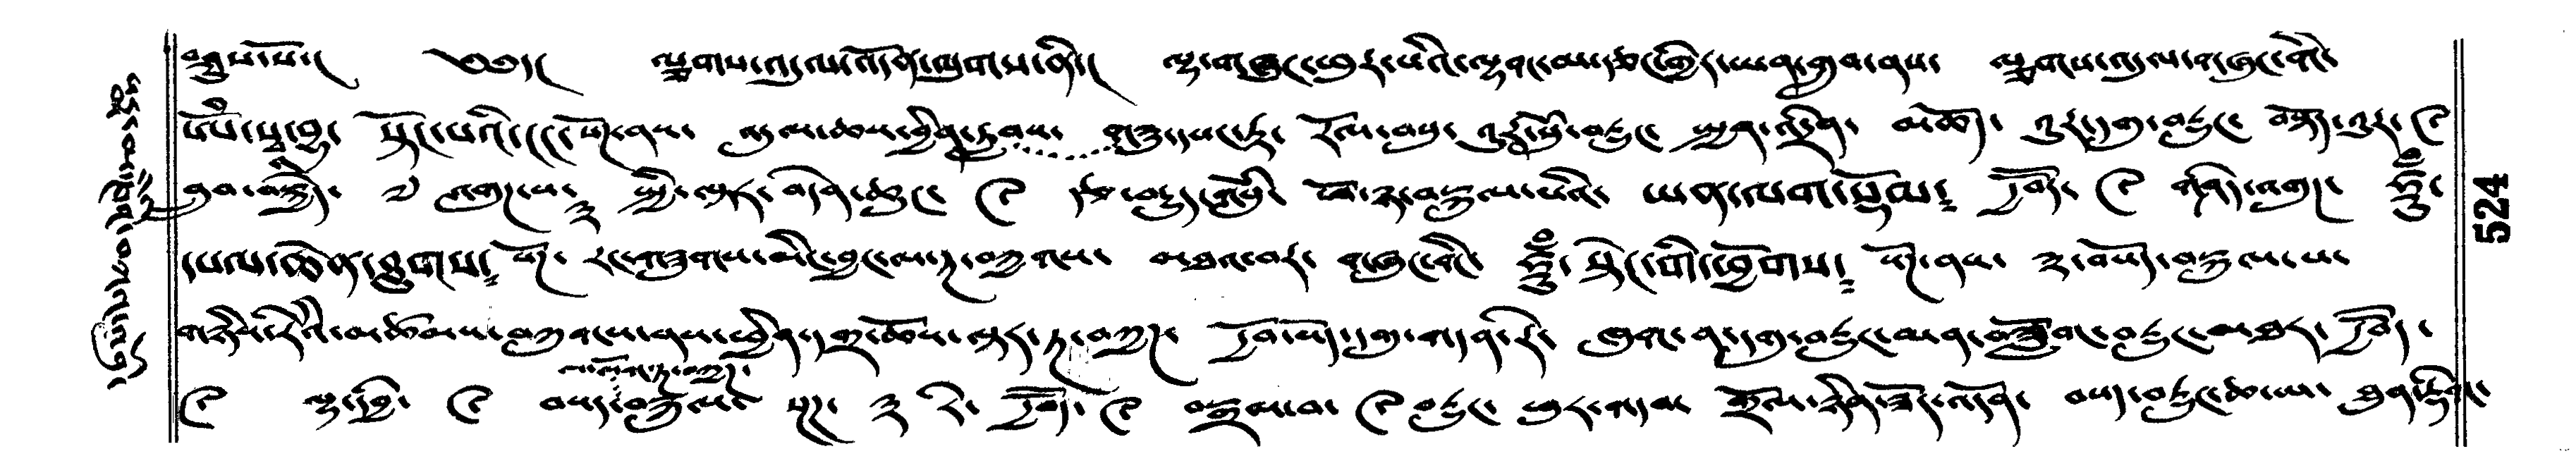བཤུས་སོ། ༄༅། ལྕགས་འདུལ་འདོན་ལུགས་ནི། ལྷ་གཞུང་ཕུར་པའི་ལྷག་མ་རྩང་གྱེར་ཡན་གྲུབ་ནས། ལྕགས་འདུལ་གཞུང་གི 
ཨོཾ་སྭ་བྷ་ཝ༴ སྟོང་པའི་ངང༴ སོགས་ནས། འདུལ་ཆས་བྱིན་རླབས། གཟུ་དཔང་རྟ། རོལ་བསུ། འུར་སུམ་རྡུང་། སྤྱན་འདྲེན། མཆོད། འུར་དགུ་
རྡུང་། བསྟོད། འུར་དགུ། བྲུབ་བསྐྱེད། བདུན། འགུགས་པ་གསུམ། སྤྱི་ལྟར་བདེན་ཆུང་དགུ རྩ་བརྒྱུད་གསུམ། ཕོ་ཉ་བསྐུལ་པའི། ཡན་ལག་སྡོམ༴ རྒྱོབ་སོད་དགུ། གཤེད་འགུགས། ཧཱུྃ། 
དཔལ་ཆེན་ཐུགས༴ སོགས། རང་གཟུགས་མིང་བྱང་ལ་རྔ་བཀྱགས། མཐའ་བར། གཞུང་གི ཧཱུྃ། སྟེང་གི་ཕྱོགས༴ སོགས་ནས། ཟ་བསོད་བསྐུལ་པ་
གཉིས་རེའི་མཚམས། བཀུགས་ནས་ཕྱིན་དགྲ་ཆོས་ལྟར་རྔ་བཀྱགས། རྒྱོབ་སོད་དགུ་གདན་རེ། ཁུག་ན་དགུ་བརྡུང་མན་བཟློག་བརྡུང་མཐར། རྒྱོབ་སོད་
དགུ ལྷ་དབྱེ། དགུ བསད་བསྐུལ། རྔ་བཀྱགས། སྔགས་གསུམ་རེ། རྒྱོབ་སོད་དགུ བསྒྲལ་བ། དགུ་བརྡུང་། ཕུར་གདབ། གྲོལ་ཉིན་ཟོར་འདོན། བསད་བརྡུང་ཆ་ཡ། ཐུན་རྡེག